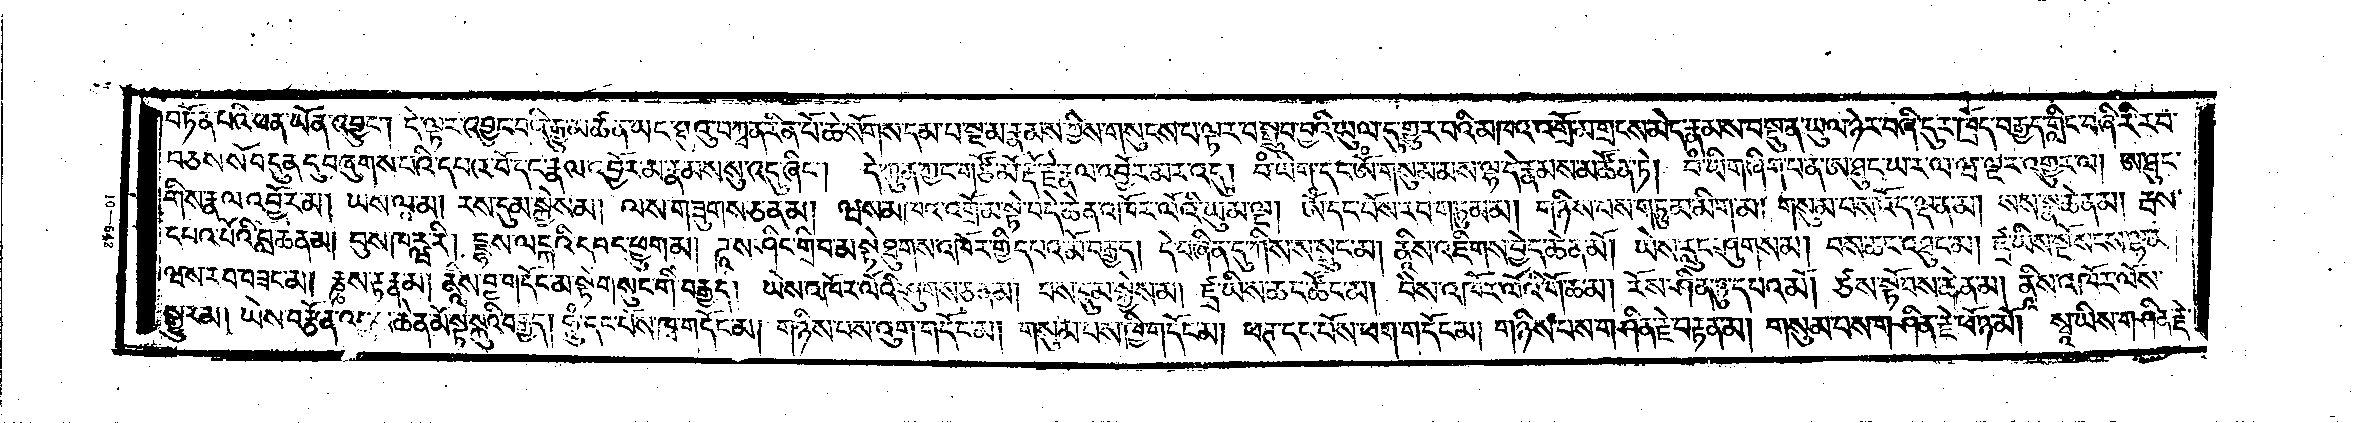བཏོན་པའི་ཕན་ཡོན་འབྱུང་། དེ་ལྟར་འབྱུང་བའི་རྒྱུ་མཚན་ཡང་ཐུའུ་བཀྭན་རིན་པོ་ཆེ་སོགས་དམ་པ་སྔ་མ་རྣམས་ཀྱིས་གསུངས་བ་ལྟར་བསྒྲུབ་བྱའི་ཡུལ་དུ་གྱུར་པའི་མཁའ་འགྲོ་མ་གྲངས་མེད་རྣམས་བསྡུ་ན་ཡུལ་ཉེར་བཞི་དུར་ཁྲོད་བརྒྱད་གླིང་བཞི་རི་རབ་
བཅས་སོ་བདུན་དུ་བཞུགས་པའི་དཔའ་བོ་དང་རྣལ་འབྱོར་མ་རྣམས་སུ་འདུ་ཞིང་། དེ་ཀུན་ཀྱང་གཙོ་མོ་རྡོ་རྗེ་རྣལ་འབྱོར་མར་འདུ། བཾ་ཡིག་དང་ཨོཾ་གསུམ་མས་ལྷ་དེ་རྣམས་མཚོན་ཏེ། བཾ་ཡི་ག་ཞིག་པ་ན་ཨ་ཐུང་ཡ་ར་ལ་ཝ་ལྔར་འགྱུར་ལ། ཨ་ཐུང་
གིས་རྣལ་འབྱོར་མ། ཡས་ལཱ་མ། རས་དུམ་སྐྱེས་མ། ལས་གཟུགས་ཅན་མ། ཝས་མཁའ་འགྲོ་མ་སྟེ་བདེ་ཆེན་འཁོར་ལོའི་ཡུམ་ལྔ། ཨོཾ་དང་པོས་རབ་གཏུམ་མ། གཉིས་པས་གཏུམ་མིག་མ། གསུམ་པས་འོད་ལྡན་མ། སས་སྣ་ཆེན་མ། རྦས་
དཔའ་བོའི་བློ་ཆེན་མ། བུས་ཁརྭ་རི། དྡྷས་ལངྐའི་དབང་ཕྱུག་མ། ཌཱས་ཤིང་གྲིབ་མ་སྟེ་ཐུགས་འཁོར་གྱི་དཔའ་མོ་བརྒྱད། དེ་བཞིན་དུ་ཀིས་ས་སྦྲུང་མ། ནཱིས་འཇིགས་བྱེད་ཆེན་མོ། ཡེས་རླུང་ཤུགས་མ། བས་ཆང་འཐུང་མ། ཛྲ་ཡིས་སྔོ་སངས་ལྷ་མོ།
ཝས་རབ་བཟང་མ། རྞྞས་རྟ་རྣ་མ། ནཱིས་བྱ་གདོང་མ་སྟེ་གསུང་གི་བརྒྱད། ཡེས་འཁོར་ལོའི་ཤུགས་ཅན་མ། བས་དུམ་སྐྱེས་མ། ཛྲ་ཡིས་ཆད་ཚོང་མ། བཻས་འཁོར་ལོའི་གོ་ཆ་མ། རོས་ཤིན་ཏུ་དཔའ་མོ། ཙས་སྟོབས་ཆེན་མ། ནཱིས་འཁོར་ལོས་
སྒྱུར་མ། ཡེས་བརྩོན་འགྲུས་ཆེན་མོ་སྟེ་སྐུའི་བརྒྱད། ཧཱུཾ་དང་པོས་ཁྲ་གདོང་མ། གཉིས་པས་འུག་གདོང་མ། གསུམ་པས་ཁྱི་གདོང་མ། ཕཊ་དང་པོས་ཕག་གདོང་མ། གཉིས་པས་གཤིན་རྗེ་བརྟན་མ། གསུམ་པས་གཤིན་རྗེ་ཕོ་ཉ་མོ། སྭཱ་ཡིས་གཤིན་རྗེ་